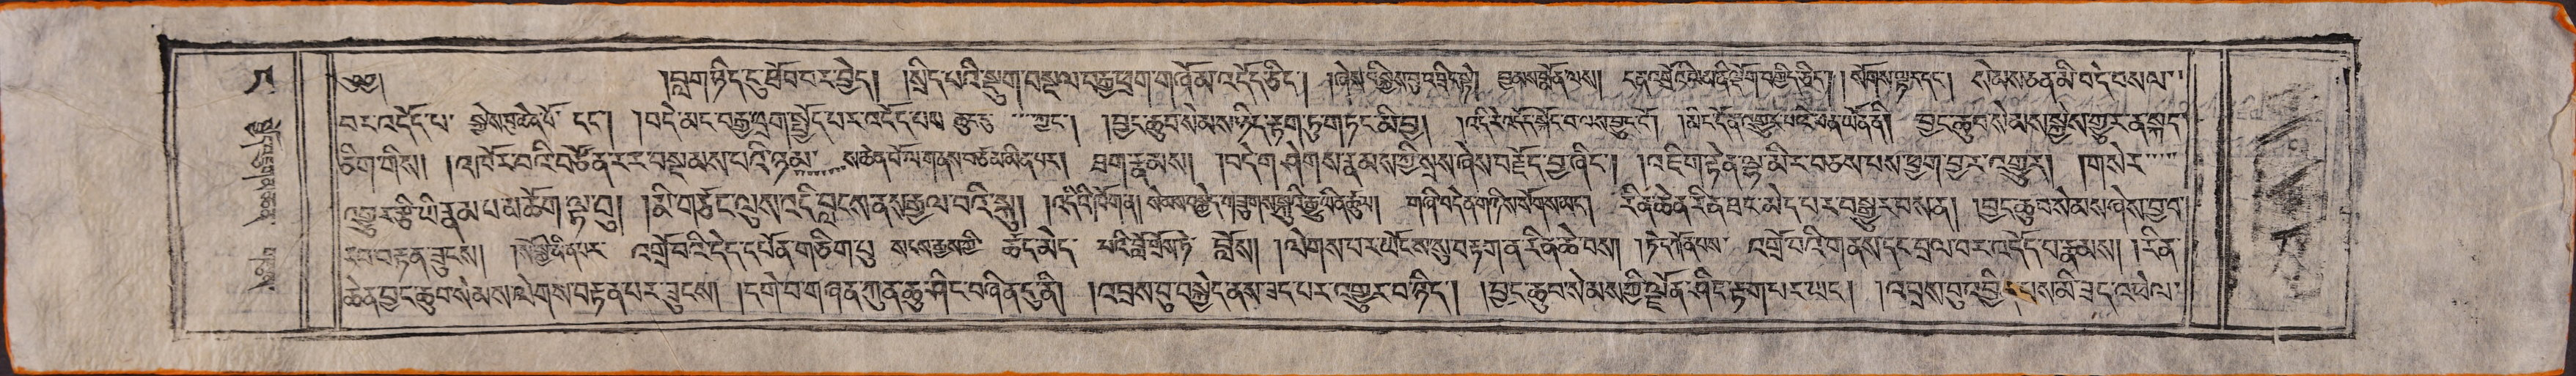༄༅། །བླག་ཉིད་དུ་ཐོབ་པར་བྱེད། །སྲིད་པའི་སྡུག་བསྔལ་བརྒྱ་ཕྲག་གཞོམ་འདོད་ཅིང་། །ཞེས་པ་སྐྱེས་བུ་འབྲིང་སྟེ། བྱམས་སྨོན་ལས། ངན་འགྲོའི་ལམ་ནི་ལྡོག་བགྱིད་ཅིང་། །སོགས་ལྟར་དང་།  སེམས་ཅན་མི་བདེ་བསལ་
བར་འདོད་པ་སྐྱེས་བུ་ཆེན་བོ་དང་། །བདེ་མང་བརྒྱ་ཕྲག་སྤྱོད་པར་འདོད་པ་ཆུང་དུ་ས་ཀྱང་། །བྱང་ཆུབ་སེམས་ཉིད་རྟག་ཏུ་གཏང་མི་བྱ། །འདི་རེ་འདོད་སྐོང་བ་ལས་བྱུང་ངོ། །མིང་དོན་འགྱུར་བའི་ཕན་ཡོན་ནི།  བྱང་ཆུབ་སེམས་སྐྱེས་གྱུར་ན་སྐད་
ཅིག་གིས། །འཁོར་བའི་བཙོན་རར་བསྡམས་པའི་ཉམ་ས་ཆེན་པོ་ལ་གནས་པ་ཙམ་མིན་པར།  ཐག་རྣམས། །བདེ་གཤེགས་རྣམས་ཀྱི་སྲས་ཞེས་བརྗོད་བྱ་ཞིང་། །འཇིག་རྟེན་ལྷ་མིར་བཅས་པས་ཕྱག་བྱར་འགྱུར། །གསེར་
འགྱུར་རྩི་ཡི་རྣམ་པ་མཆོག་ལྟ་བུ། །མི་གཙང་ལུས་འདི་བླངས་ནས་རྒྱལ་བའི་སྐུ། །འདིའི་ཁོག་ན། སེམས་བསྐྱེད་གཟུགས་སྐུའི་རྒྱུ་ཡིན་ཚུལ། གཞི་བདེན་གཉིས་སོགས་མང་།  རིན་ཆེན་རིན་ཐང་མེད་པར་བསྒྱུར་བས་ན། །བྱང་ཆུབ་སེམས་ཞེས་བྱ་བ་
རབ་བརྟན་ཟུངས། །སོ་སྐྱེ་མིན་པར་འགྲོ་བའི་དེད་དཔོན་གཅིག་པུ་སངས་རྒྱས་ཀྱི་ཚད་མེད་པའི་བློ་གྲོས་ཏེ་བློས། །ལེགས་པར་ཡོངས་སུ་བརྟག་ན་རིན་ཆེ་བས། །ཏེ་དཀོན་པས་འགྲོ་བའི་གནས་དང་བྲལ་བར་འདོད་པ་རྣམས། །རིན་
ཆེན་བྱང་ཆུབ་སེམས་ལེགས་བརྟན་པར་ཟུངས། །དགེ་བ་གཞན་ཀུན་ཆུ་ཤིང་བཞིན་དུ་ནི། །འབྲས་བུ་བསྐྱེད་ནས་ཟད་པར་འགྱུར་བ་ཉིད། །བྱང་ཆུབ་སེམས་ཀྱི་ལྗོན་ཤིང་རྟག་པར་ཡང་། །འབྲས་བུ་འབྱིན་པས་མི་ཟད་འཕེལ་